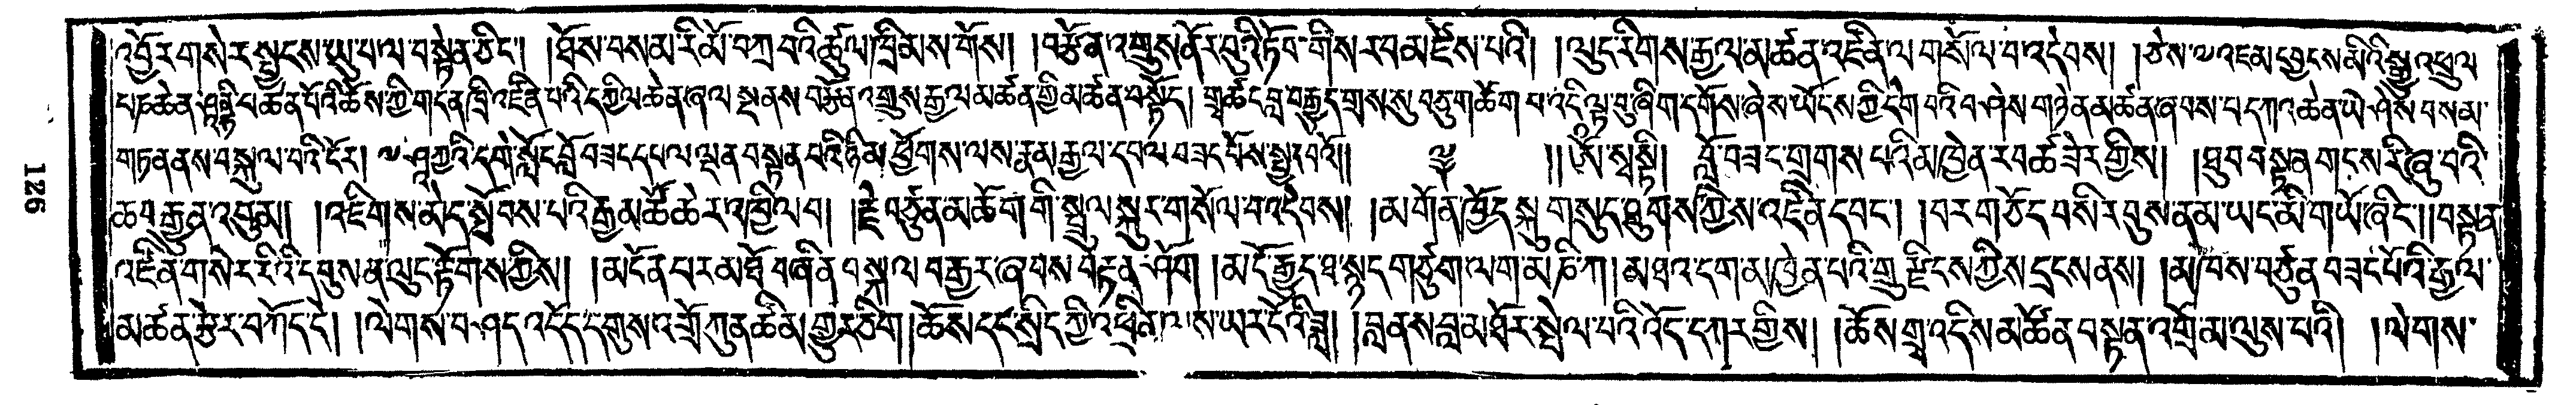འབྱོར་གསེར་སྦྱངས་ཡུ་པ་ལ་བསྟེན་ཅིང་། །ཐོས་བསམ་རི་མོ་བཀྲ་བའི་ཚུལ་ཁྲིམས་གོས། །བརྩོན་འགྲུས་ནོར་བུའི་ཏོབ་གིས་རབ་མཛེས་པའི། །ལུང་རིགས་རྒྱལ་མཚན་འཛིན་ལ་གསོལ་བ་འདེབས། །ཅེས་༧་འཇམ་དབྱངས་མིའི་སྒྱུ་འཕྲུལ་
པཎ་ཆེན་ཤཱནྟི་པ་ཆན་པོའི་ཆོས་ཀྱི་གདན་ཁྲི་འཛིན་པའི་དཀྱིལ་ཆེན་ཞལ་སྔ་ནས་བརྩོན་འགྲུས་རྒྱལ་མཚན་གྱི་མཚན་བསྟོད། གྲྭ་ཚང་བླ་བརྒྱུད་གྲས་སུ་བཅུག་ཆོག་པ་འདི་ལྟ་བུ་ཞིག་དགོས་ཞེས་ཡོངས་ཀྱི་དགེ་བའི་བཤེས་གཉེན་མཚན་ཞབས་པ་དཀའ་ཆེན་ཡེ་ཤེས་བསམ་
གཏན་ནས་བསྐུལ་བའི་ངོར། ༧་ཤཱཀྱའི་དགེ་སློང་བློ་བཟང་དཔལ་ལྡན་བསྟན་པའི་ཉི་མ་ཕྱོགས་ལས་རྣམ་རྒྱལ་དཔལ་བཟང་པོས་སྤྱར་བའོ།། ༈ །།ཨོཾ་སྭསྟི། བློ་བཟང་གྲགས་པའི་མཁྱེན་རབ་ཚ་ཟེར་གྱིས། །ཐུབ་བསྟན་གངས་རི་ཞུ་བའི་
ཆབ་རྒྱུན་འབུམ། །འཇིགས་མེད་སྤོབས་པའི་རྒྱ་མཚོ་ཆེར་འཁྱིལ་བ། །རྗེ་བཙུན་མཆོག་གི་སྤྲུལ་སྐུར་གསོལ་བ་འདེབས། །མགོན་ཁྱོད་སྐུ་གསུང་ཐུགས་ཀྱིས་འཛིན་དབང་། །བར་གཅོད་བསིར་བུས་ནམ་ཡང་མི་གཡོ་ཞིང་། །བསྟན་
འཛིན་གསེར་རིའི་དབུས་ན་ལུང་རྟོགས་ཀྱིས། །མངོན་པར་མཐོ་བཞིན་བསྐལ་བརྒྱར་ཞབས་བརྟན་ཤོག །མདོ་རྒྱུད་ཐ་སྙད་གཙུག་ལག་མ་ཎི་ཀ། མཐའ་དག་མཁྱེན་པའི་གྲུ་རྫིངས་ཀྱིས་དྲངས་ནས། །མཁས་བཙུན་བཟང་པོའི་རྒྱལ་
མཚན་རྩེར་བཀོད་དེ། །ལེགས་བཤད་འདོད་དགུས་འགྲོ་ཀུན་ཚིམ་གྱུར་ཅིག །ཆོས་དང་སྲིད་ཀྱི་འཕྲིན་ལས་ཡར་ངོའི་ཟླ། །བླ་ནས་བླ་མཐོར་སྤེལ་པའི་འོད་དཀར་གྱིས། །ཆོས་གྲྭ་འདིས་མཚོན་བསྟན་འགྲོ་མ་ལུས་པའི། །ལེགས་